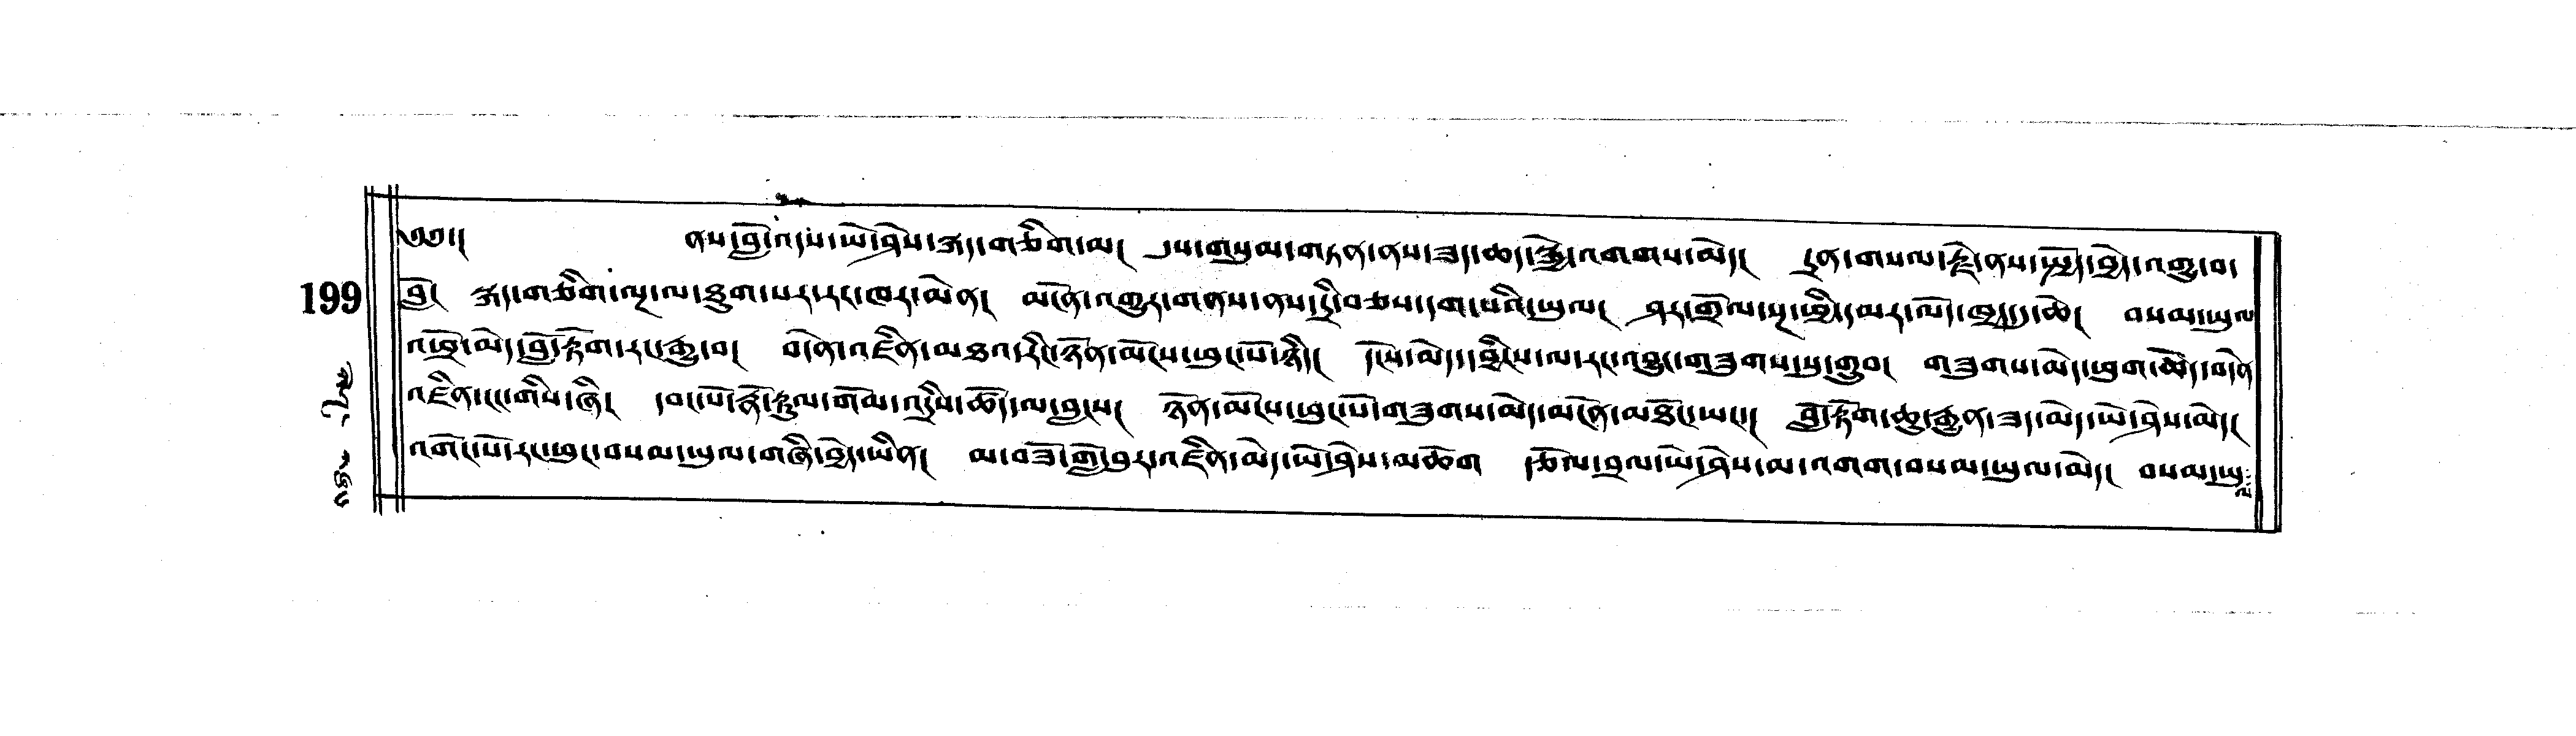ནས་བློ་འདས་ཡེ་ཤེས་སྐད་ཅིག་མ། དུས་གསུམ་གཏན་ནས་ཟད་ཆད་སྐྱེ་འགག་མེད། དྲན་གསལ་རྗེས་ནས་གཅོད་བྱེད་འགྱུ་བ
་བློ། སྐད་ཅིག་ལྔ་ལ་ཐུག་པར་རང་ཁར་མེན། མངོན་གྱུར་གནས་ནས་དྲི་བཅས་དག་པའི་ཡུལ། ཤར་གྲོལ་སྔ་ཕྱི་དམར་ལོད་ཁྱད་དུ་ཆེ། བསམ་ཡུལ་
འཕྲོ་མེད་བློ་རྟོག་རང་རྒྱུ་བ། བདེན་འཛིན་མཐའ་རིང་ཉོན་མོངས་ཕུང་པོ་ཉིད། དངོས་མེད་དབྱིངས་ལ་རང་འབྱུང་གཟུགས་སུ་གྲུབ། གཟུགས་མེད་ཕུགས་ཆོད་བདེན་
འཛིན་ངང་གིས་ཞི། དབང་པོ་རྣོ་རྟུལ་གོམས་འདྲིས་ཚོད་ལ་བླང་། ཉོན་མོངས་ཕུང་པོ་གཟུགས་མེད་མངོན་མཐོང་ཡང་། བློ་རྟོག་ཆུ་རྒྱུན་ཟད་མེད་ཡེ་ཤེས་མེད།
 འགོང་པོ་རང་ཕུང་བསམ་ཡུལ་གཞི་བྱེད་ཡིན། མ་བཟོ་གློ་བུར་འཛིན་མེད་ཡེ་ཤེས་མཆོག རྩོལ་བྲལ་ཡེ་ཤེས་མ་འགག་བསམ་ཡུལ་མེད། བསམ་ཡུལ་